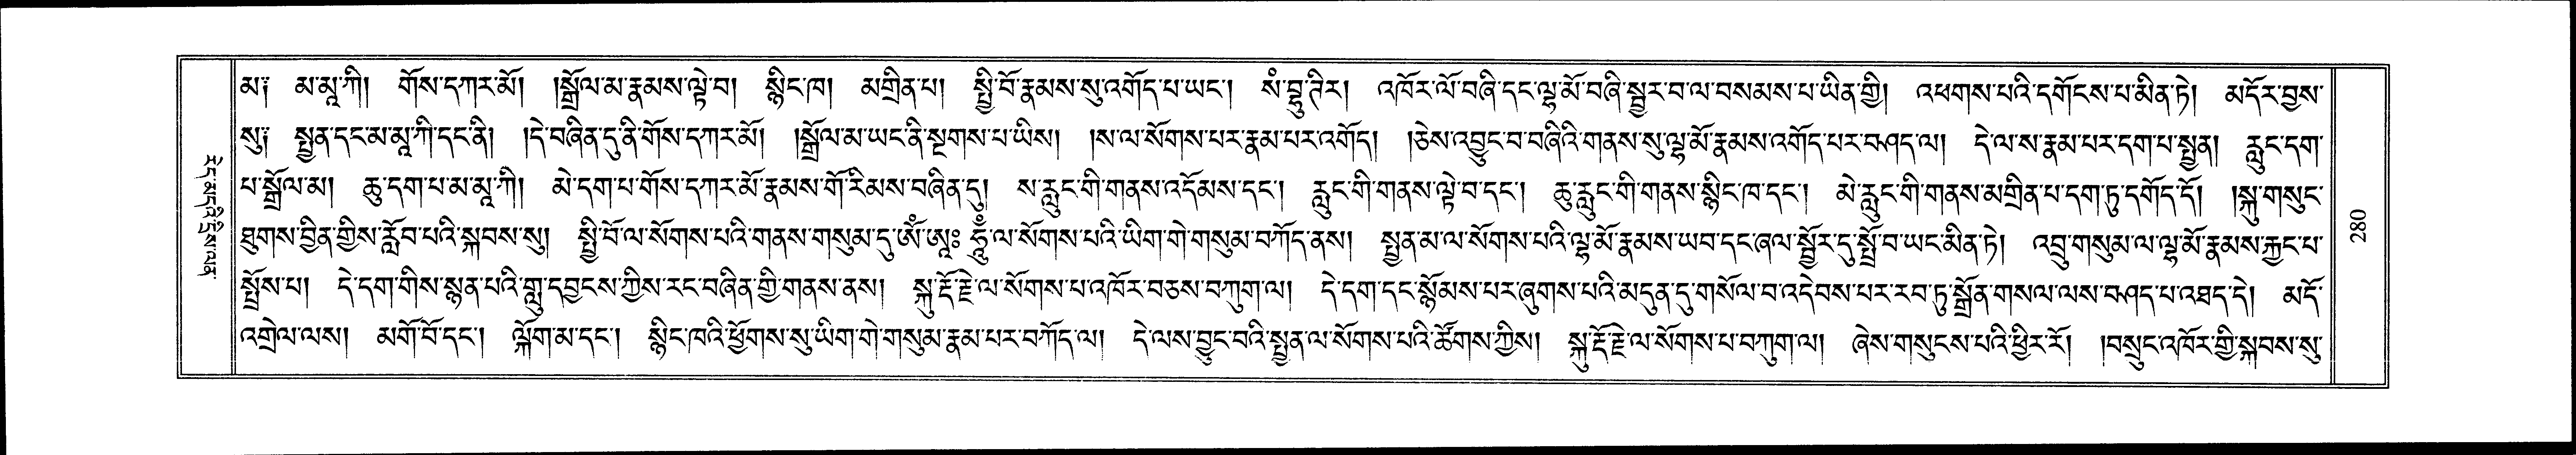མ། མ་མཱ་ཀི། གོས་དཀར་མོ། །སྒྲོལ་མ་རྣམས་ལྟེ་བ། སྙིང་ཁ། མགྲིན་པ། སྤྱི་བོ་རྣམས་སུ་འགོད་པ་ཡང་། སཾ་བྷུ་ཊིར། འཁོར་ལོ་བཞི་དང་ལྷ་མོ་བཞི་སྦྱར་བ་ལ་བསམས་པ་ཡིན་གྱི། འཕགས་པའི་དགོངས་པ་མིན་ཏེ། མདོར་བྱས་
སུ། སྤྱན་དང་མ་མཱ་ཀི་དང་ནི། །དེ་བཞིན་དུ་ནི་གོས་དཀར་མོ། །སྒྲོལ་མ་ཡང་ནི་སྔགས་པ་ཡིས། །ས་ལ་སོགས་པར་རྣམ་པར་འགོད། །ཅེས་འབྱུང་བ་བཞིའི་གནས་སུ་ལྷ་མོ་རྣམས་འགོད་པར་བཤད་ལ། དེ་ལ་ས་རྣམ་པར་དག་པ་སྤྱན། རླུང་དག་
པ་སྒྲོལ་མ། ཆུ་དག་པ་མ་མཱ་ཀི། མེ་དག་པ་གོས་དཀར་མོ་རྣམས་གོ་རིམས་བཞིན་དུ། ས་རླུང་གི་གནས་འདོམས་དང་། རླུང་གི་གནས་ལྟེ་བ་དང་། ཆུ་རླུང་གི་གནས་སྙིང་ཁ་དང་། མེ་རླུང་གི་གནས་མགྲིན་པ་དག་ཏུ་དགོད་དོ། །སྐུ་གསུང་
ཐུགས་བྱིན་གྱིས་རློབ་པའི་སྐབས་སུ། སྤྱི་བོ་ལ་སོགས་པའི་གནས་གསུམ་དུ་ཨོཾ་ཨཱཿ ཧཱུཾ་ལ་སོགས་པའི་ཡིག་གེ་གསུམ་བཀོད་ནས། སྤྱན་མ་ལ་སོགས་པའི་ལྷ་མོ་རྣམས་ཡབ་དང་ཞལ་སྦྱོར་དུ་སྤྲོ་བ་ཡང་མིན་ཏེ། འབྲུ་གསུམ་ལ་ལྷ་མོ་རྣམས་རྐྱང་པ་
སྤྲོས་པ། དེ་དག་གིས་སྙན་པའི་གླུ་དབྱངས་ཀྱིས་རང་བཞིན་གྱི་གནས་ནས། སྐུ་རྡོ་རྗེ་ལ་སོགས་པ་འཁོར་བཅས་བཀུག་ལ། དེ་དག་དང་སྙོམས་པར་ཞུགས་པའི་མདུན་དུ་གསོལ་བ་འདེབས་པར་རབ་ཏུ་སྒྲོན་གསལ་ལས་བཤད་པ་འཐད་དེ། མདོ་
འགྲེལ་ལས། མགོ་བོ་དང་། ལྐོག་མ་དང་། སྙིང་ཁའི་ཕྱོགས་སུ་ཡིག་གེ་གསུམ་རྣམ་པར་བཀོད་ལ། དེ་ལས་བྱུང་བའི་སྤྱན་ལ་སོགས་པའི་ཚོགས་ཀྱིས། སྐུ་རྡོ་རྗེ་ལ་སོགས་པ་བཀུག་ལ། ཞེས་གསུངས་པའི་ཕྱིར་རོ། །བསྲུང་འཁོར་གྱི་སྐབ་སུ་